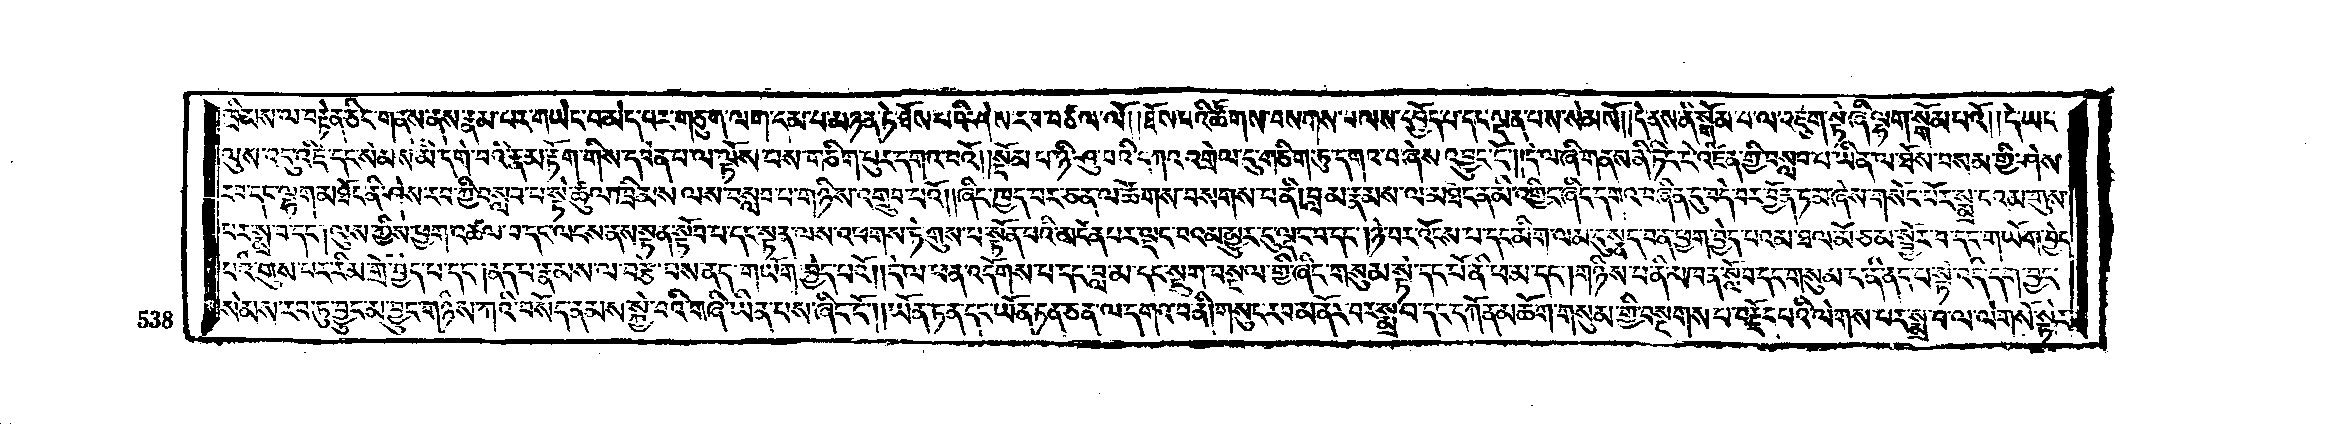ཁྲིམས་ལ་བརྟེན་ཅིང་གནས་ནས་རྣམ་པར་གཡེང་བ་མེད་པར་གཙུག་ལག་དམ་པ་མཉན་ཏེ་ཐོས་པའི་ཤེས་རབ་བཙལ་ལོ། །ཐོས་པའི་ཚོགས་བསགས་པ་ལས་དཔྱོད་པ་དང་ལྡན་པས་སེམས་སོ། །དེ་ནས་ནི་སྒོམ་པ་ལ་འཇུག་སྟེ་ཞི་ལྷག་སྒོམ་པའོ། །དེ་ཡང་
ལུས་འདུ་འཛི་དང་སེམས་མི་དགེ་བའི་རྣམ་རྟོག་གིས་དབེན་པ་ལ་ལྟོས་པས་གཅིག་པུར་དགའ་བའོ། །སྡོམ་པ་ཉི་ཤུ་པའི་དཀའ་འགྲེལ་དུ་གཅིག་ཏུ་དགའ་བ་ཞེས་འབྱུང་ངོ། །དེ་ལ་ཞི་གནས་ནི་ཏིང་ངེ་འཛིན་གྱི་བསླབ་པ་ཡིན་ལ་ཐོས་བསམ་གྱི་ཤེས་
རབ་དང་ལྷག་མཐོང་ནི་ཤེས་རབ་ཀྱི་བསླབ་པ་སྟེ་ཚུལ་ཁྲིམས་ལས་བསླབ་པ་གཉིས་འགྲུབ་པའོ། །ཞིང་ཁྱད་པར་ཅན་ལ་ཚོགས་བསགས་པ་ནི། བླ་མ་རྣམས་ལ་མཐོང་ན་མི་འགྱིང་ཞིང་དགའ་བཞིན་དུ་བདེ་བར་བྱོན་ཏམ་ཞེས་གསོང་པོར་སྨྲ་ངའམ་གུས་
པར་སྨྲ་བ་དང་། ལུས་ཀྱིས་ཕྱག་འཚལ་བ་དང་ལངས་ནས་སྟན་སྟོབ་པ་དང་སྟན་ལས་འཕགས་ཏེ་གུས་པ་སྟོན་པའི་མངོན་པར་ལྡང་བའམ་མྱུར་དུ་ལྡང་བ་དང་། ཉེ་བར་འོངས་པ་དང་མིག་ལམ་དུ་སྣད་བ་ན་ཕྱག་བྱེད་པའམ་ཐལ་མོ་ཅམ་སྦྱོར་བ་དང་གཡོག་བྱེད་
པའི་གུས་པར་རིམ་གྲོ་བྱེད་པ་དང་། ནད་པ་རྣམས་ལ་བརྩེ་བས་ནད་གཡོག་བྱེད་པའོ། །དེ་ལ་ཕན་འདོགས་པ་དང་བླ་མ་དང་སྡུག་བསྔལ་གྱི་ཞིང་གསུམ་སྟེ་དང་པོ་ནི་ཕ་མ་དང་། གཉིས་པ་ནི་མཁན་སློབ་དང་གསུམ་པ་ནི་ནད་པ་སྟེ་འདི་དག་བྱང་
སེམས་རབ་ཏུ་བྱུང་མ་བྱུང་གཉིས་ཀའི་བསོད་ནམས་སྐྱེ་བའི་གཞི་ཡིན་པས་ཞིང་ངོ། །ཡོན་ཏན་དང་ཡོན་ཏན་ཅན་ལ་དགའ་བ་ནི། གསུང་རབ་མ་ནོར་བར་སྨྲ་བ་དང་དཀོན་མཆོག་གསུམ་གྱི་བསྔགས་པ་བརྗོད་པའི་ལེགས་པར་སྨྲ་བ་ལ་ལེགས་སོ་སྟེར་